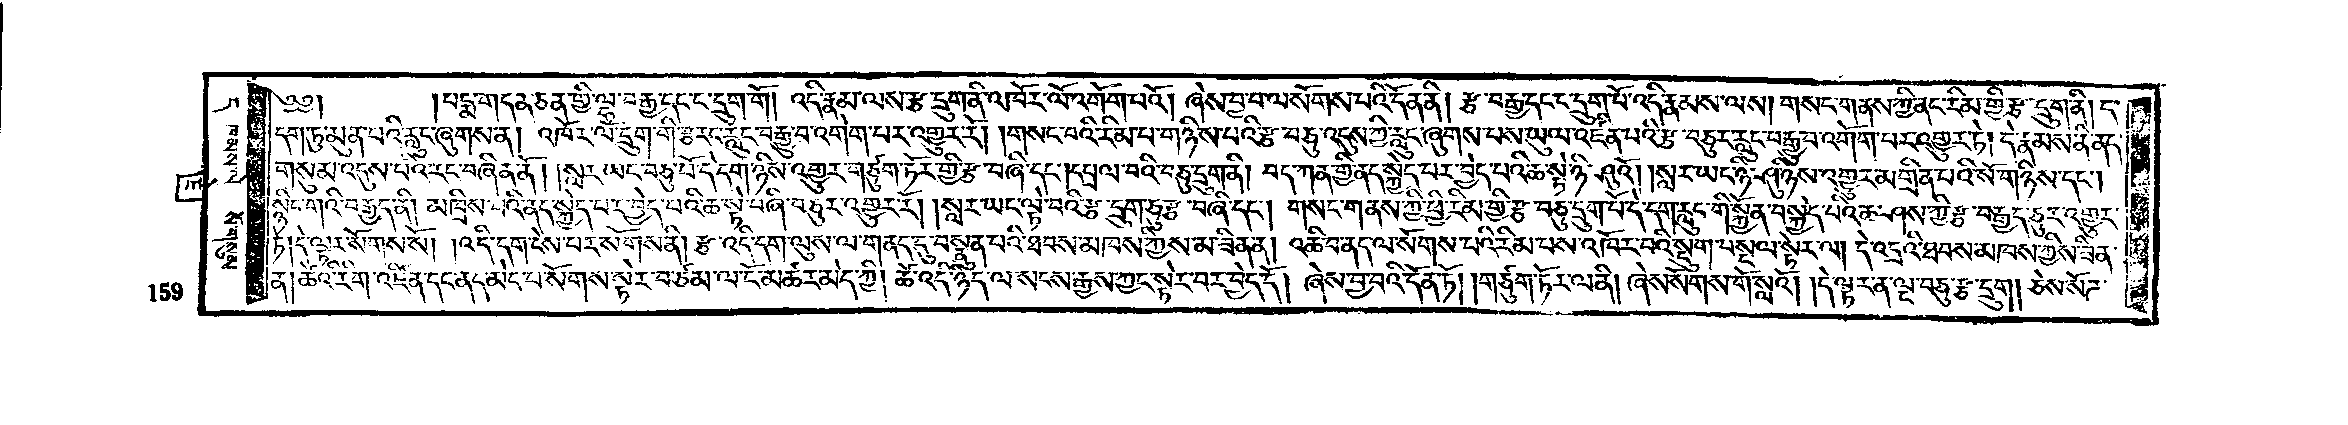༄༅། །པདམ་གདན་ཅན་གྱི་ལྷ་བརྒྱད་དང་ང་དྲུག་གོ། འདི་རྣམས་ལས་རྩ་དྲུག་ནི་འཁོར་ལོ་འགོག་པའོ། ཞེས་བྱ་བ་ལ་སོགས་པའི་དོན་ནི། རྩ་བརྒྱ་དང་ང་དྲུག་པོ་འདི་རྣམས་ལས། གསང་གནས་ཀྱི་ནང་རིམ་གྱི་རྩ་དྲུག་ནི། དེ་
དག་ཏུ་མུན་པའི་རླུང་ཞུགས་ན། འཁོར་ལོ་དྲུག་གི་རྩ་རང་རླུང་བརྒྱུ་བ་འགེག་པར་འགྱུར་རོ། །གསང་བའི་རིམ་པ་གཉིས་པའི་རྩ་བཅུ་འདུས་ཀྱི་རླུང་ཞུགས་པས་ཡུལ་འཛིན་པའི་རྩ་བཅུར་རླུང་བརྒྱུ་བ་འགོག་པར་འགྱུར་ཏེ། དེ་རྣམས་ནི་ནད་
གསུམ་འདུས་པའི་རང་བཞིན་ནོ། །སླར་ཡང་བཅུ་པོ་དེ་དག་ཉིས་འགྱུར་གཙུག་ཏོར་གྱི་རྩ་བཞི་དང་། དཔྲལ་བའི་བཅུ་དྲུག་ནི། བད་ཀན་གྱི་ནད་སྐྱེད་པར་བྱེད་པའི་ཆ་སྟེ་ཉི་ཤུའོ། །སླར་ཡང་ཉི་ཤུ་ཉིས་འགྱུར་མགྲིན་པའི་སོ་གཉིས་དང་།
སྙིང་གའི་བརྒྱད་ནི། མཁྲིས་པའི་ནད་སྐྱེད་པར་བྱེད་པའི་ཆ་སྟེ་བཞི་བཅུར་འགྱུར་རོ། །སླར་ཡང་ལྟེ་བའི་རྩ་དྲུག་ཅུ་རྩ་བཞི་དང་། གསང་གནས་ཀྱི་ཕྱི་རིམ་གྱི་རྩ་བཅུ་དྲུག་པོ་དེ་དག་རླུང་གི་སྐྱོན་བསྐྱེད་པའི་ཆ་ཤས་ཀྱི་རྩ་བརྒྱད་ཅུར་འགྱུར་
ཏེ། དེ་ལྟར་སོགས་སོ། །འདི་དག་ངེས་པར་སོགས་ནི། རྩ་འདི་དག་ལུས་ལ་གནད་དུ་བསྣུན་པའི་ཐབས་མཁས་ཀྱིས་མ་ཟིན་ན། འཆི་བ་ནད་ལ་སོགས་པའི་རིམ་པས་འཁོར་བའི་སྡུག་བསྔལ་སྟེར་ལ། དེ་འདྲའི་ཐབས་མཁས་ཀྱིས་ཟིན་
ན། ཚེའི་རིག་འཛིན་དང་ནད་མེད་པ་སོགས་སྟེར་བ་ཙམ་ལ་ངོ་མཚར་མེད་ཀྱི། ཚེ་འདི་ཉིད་ལ་སངས་རྒྱས་ཀྱང་སྟེར་བར་བྱེད་དོ། ཞེས་བྱ་བའི་དོན་ཏོ། །གཙུག་ཏོར་ལ་ནི། ཞེས་སོགས་གོ་སླའོ། །དེ་ལྟར་ན་ལྔ་བཅུ་རྩ་དྲུག །ཅེས་སོགས་